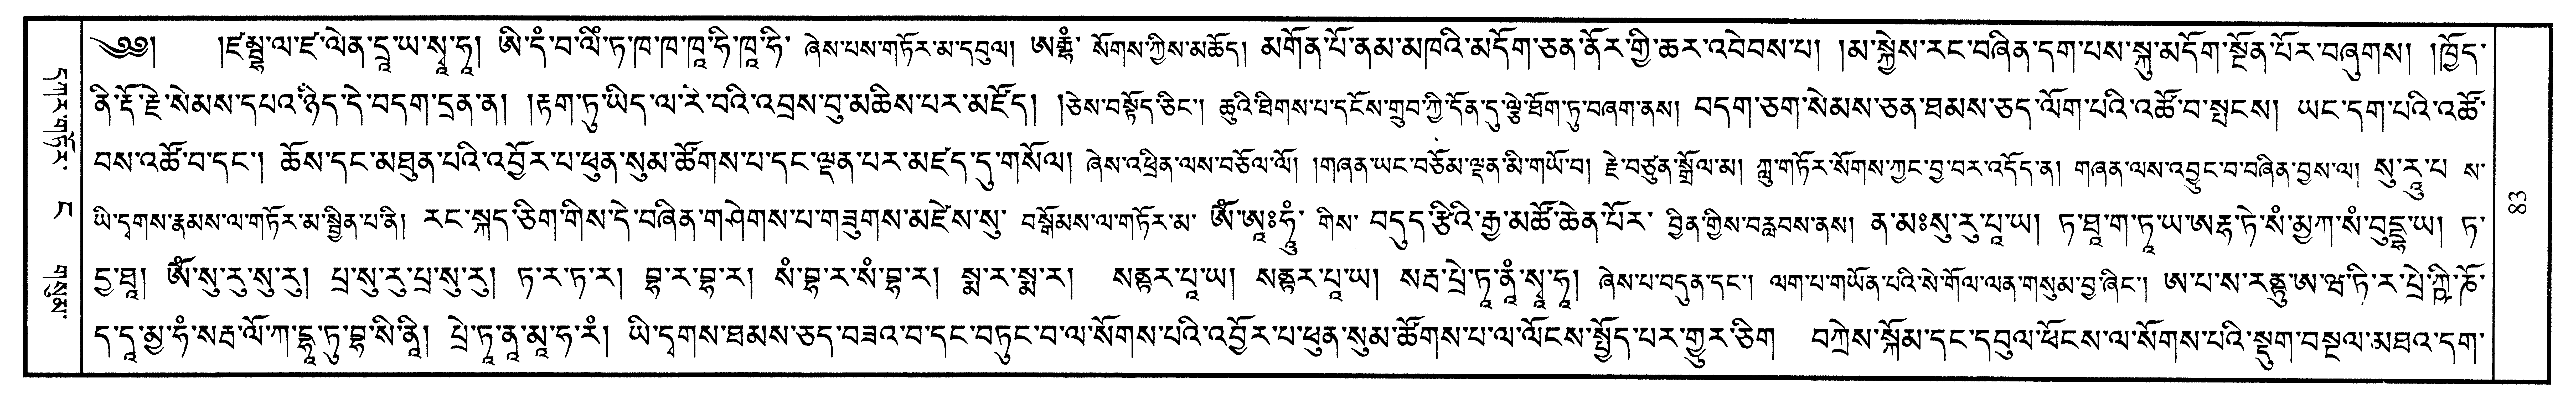༄༅། །ཛམྦྷ་ལ་ཛ་ལེན་དྲཱ་ཡ་སྭཱ་ཧཱ། ཨི་དཾ་བ་ལིཾ་ཏ་ཁ་ཁ་ཁཱ་ཧི་ཁཱ་ཧི་ཞེས་པས་གཏོར་མ་དབུལ། ཨརྒྷཾ་སོགས་ཀྱིས་མཆོད། མགོན་པོ་ནམ་མཁའི་མདོག་ཅན་ནོར་གྱི་ཆར་འབེབས་པ། །མ་སྐྱེས་རང་བཞིན་དག་པས་སྐུ་མདོག་སྔོན་པོར་བཞུགས། །ཁྱོད་
ནི་རྡོ་རྗེ་སེམས་དཔའ་ཉིད་དེ་བདག་དྲན་ན། །རྟག་ཏུ་ཡིད་ལ་རེ་བའི་འབྲས་བུ་མཆིས་པར་མཛོད། །ཅེས་བསྟོད་ཅིང་། ཆུའི་ཐིགས་པ་དངོས་གྲུབ་ཀྱི་དོན་དུ་ལྕེ་ཐོག་ཏུ་བཞག་ནས། བདག་ཅག་སེམས་ཅན་ཐམས་ཅད་ལོག་པའི་འཚོ་བ་སྤངས། ཡང་དག་པའི་འཚོ་
བས་འཚོ་བ་དང་། ཆོས་དང་མཐུན་པའི་འབྱོར་པ་ཕུན་སུམ་ཚོགས་པ་དང་ལྡན་པར་མཛད་དུ་གསོལ། ཞེས་འཕྲིན་ལས་བཅོལ་ལོ། །གཞན་ཡང་བཅོམ་ལྡན་མི་གཡོ་བ། རྗེ་བཙུན་སྒྲོལ་མ། ཀླུ་གཏོར་སོགས་ཀྱང་བྱ་བར་འདོད་ན། གཞན་ལས་འབྱུང་བ་བཞིན་བྱས་ལ། སུ་རཱུ་པ་ས་
ཡི་དྭགས་རྣམས་ལ་གཏོར་མ་སྦྱིན་པ་ནི། རང་སྐད་ཅིག་གིས་དེ་བཞིན་གཤེགས་པ་གཟུགས་མཛེས་སུ་བསྒོམས་ལ་གཏོར་མ་ཨོཾ་ཨཱཿ ཧཱུཾ་གིས་བདུད་རྩིའི་རྒྱ་མཚོ་ཆེན་པོར་བྱིན་གྱིས་བརླབས་ནས། ན་མཿ སུ་རུ་པཱ་ཡ། ཏ་ཐཱ་ག་ཏཱ་ཡ་ཨརྷ་ཏེ་སཾ་མྱཀ་སཾ་བུདྡྷ་ཡ། ཏ་
དྱ་ཐཱ། ཨོཾ་སུ་རུ་སུ་རུ། པྲ་སུ་རུ་པྲ་སུ་རུ། ཏ་ར་ཏ་ར། བྷ་ར་བྷ་ར། སཾ་བྷ་ར་སཾ་བྷ་ར། སྨ་ར་སྨ་ར། སནྟར་པཱ་ཡ། སནྟར་པཱ་ཡ། སརྦ་པྲེ་ཏཱ་ནཱཾ་སྭཱ་ཧཱ། ཞེས་པ་བདུན་དང་། ལག་པ་གཡོན་པའི་སེ་གོལ་ལན་གསུམ་བྱ་ཞིང་། ཨ་པ་ས་རནྟུ་ཨ་ཝ་ཏི་ར་པྲེ་ཀྵི་ཎོ་
ད་དཱ་མྱ་ཧཾ་སརྦ་ལོ་ཀ་དྷཱ་ཏུ་བྷ་སི་ནཱི། པྲེ་ཏཱ་ནཱ་མཱ་ཧ་རཾ། ཡི་དྭགས་ཐམས་ཅད་བཟའ་བ་དང་བཏུང་བ་ལ་སོགས་པའི་འབྱོར་པ་ཕུན་སུམ་ཚོགས་པ་ལ་ལོངས་སྤྱོད་པར་གྱུར་ཅིག །བཀྲེས་སྐོམ་དང་དབུལ་ཕོངས་ལ་སོགས་པའི་སྡུག་བསྔལ་མཐའ་དག་